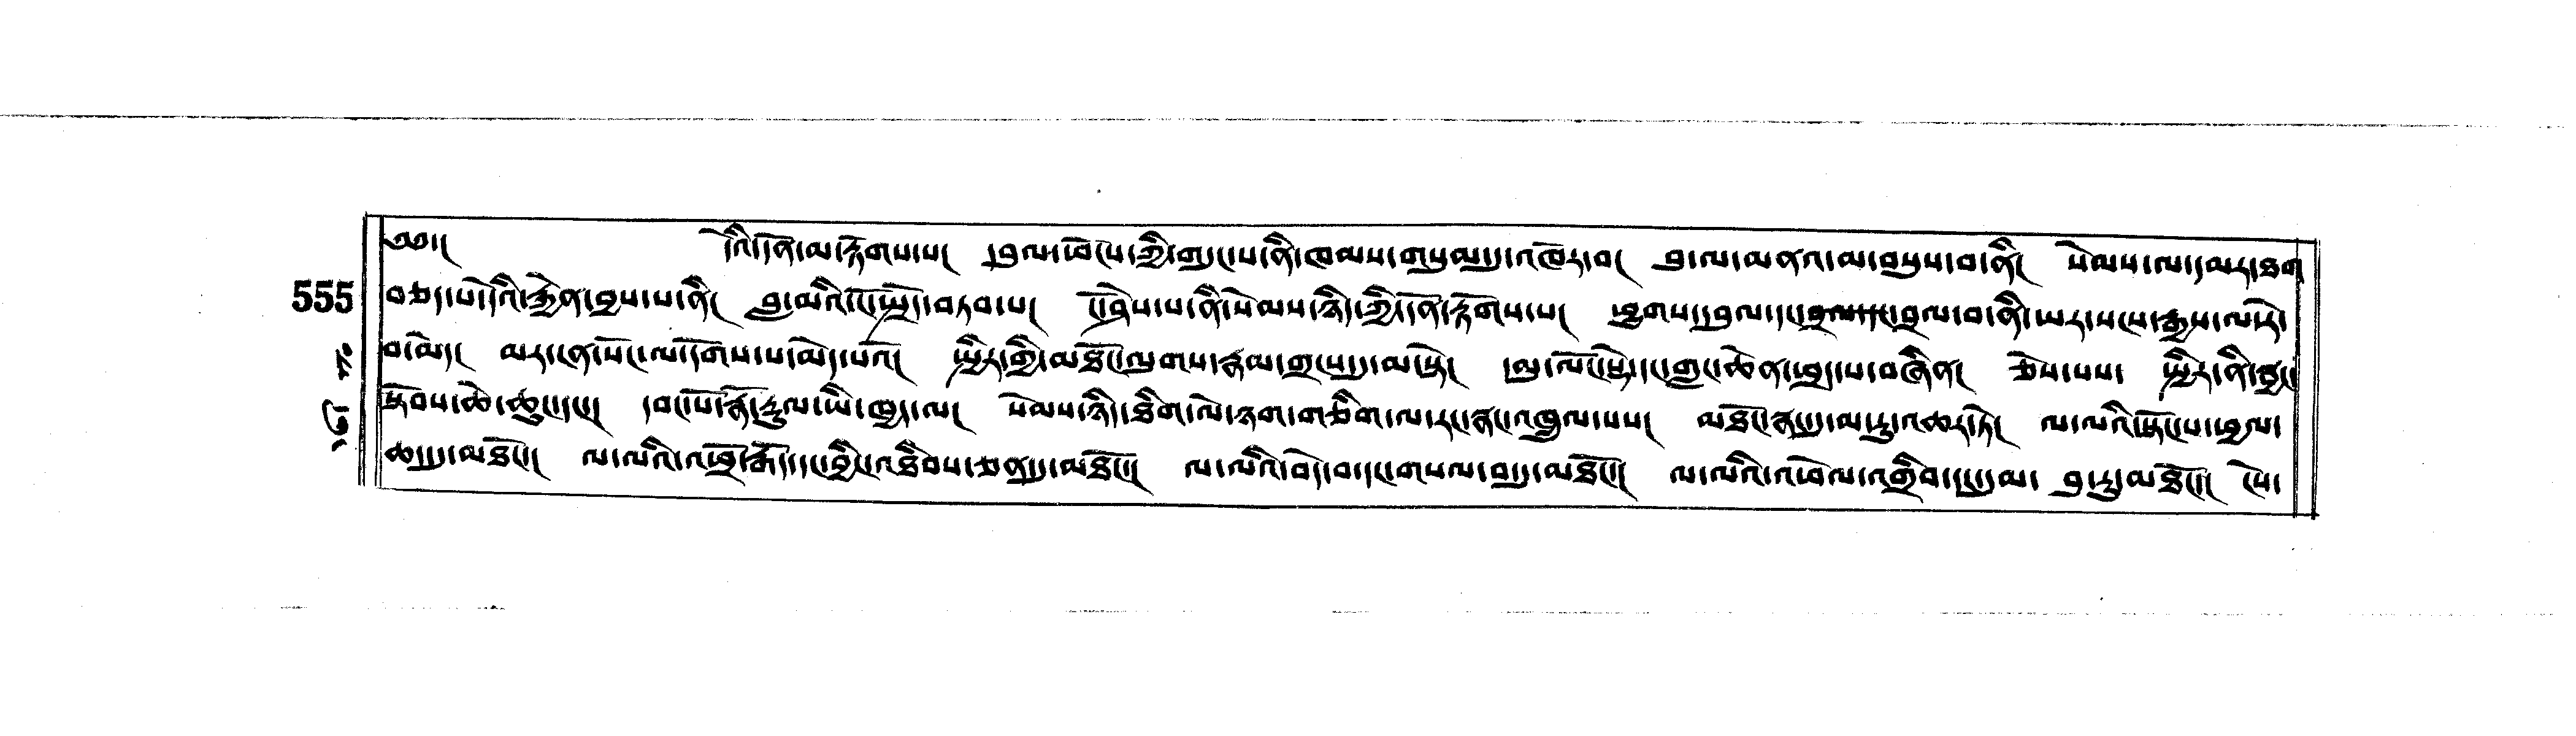དེའི་དོན་མ་རྟོགས་པ། དབུལ་ཕོངས་ཀྱིས་གདུང་བ་ནི་ཁམས་གསུམ་དུ་འཁོར་བ། བུ་ལ་མནའ་མ་བསུས་པ་ནི། སེམས་ལ་དམར་ཐག་
བཅད་པ། དེའི་རྐྱེན་བྱས་པ་ནི། བླ་མའི་ངོ་སྤྲོད་བཏབ་པ། ངོ་ཤེས་པ་ནི་སེམས་ཉིད་ཀྱི་དོན་རྟོགས་པ། ཕྱུག་དབུལ་དང་བྲལ་བ་ནི་ཡར་སངས་རྒྱས་ལ་རེ་
བ་མེད། མར་ངན་སོང་ལ་དྭོགས་པ་མེད་པའོ། སྤྱིར་གྱི་མཐོང་ལུགས་རྣམ་གྲངས་དུ་མ་སྟེ། དམུ་ལོང་སྡེ་དང་གླང་ཆེན་འཕྲད་པ་བཞིན། ཅེས་པས། སྤྱིར་ནི་སྦྱངས་
སྟོབས་ཆེ་ཆུང་དང་། དབང་པོ་རྣོ་རྟུལ་ཡི་ཁྱད་ལ། སེམས་ཉིད་ཐིག་ལེ་ཉག་ཅིག་ལ་རང་སྣང་འཁྲུལ་པས། མཐོང་སྣང་དུ་མ་རུ་འཆར་ཏེ། ལ་ལའི་སྟོང་པ་ཕྱལ་
ཆད་དུ་མཐོང་། ལ་ལའི་འཕྲོ་རྒོད་དང་བྱིང་འཐིབས་ཅན་དུ་མཐོང་། ལ་ལའི་བདེ་བ་དང་གསལ་བ་དུ་མཐོང་། ལ་ལའི་འཕེལ་འགྲིབ་དང་དུམ་བུ་རུ་མཐོང་། ངེས་